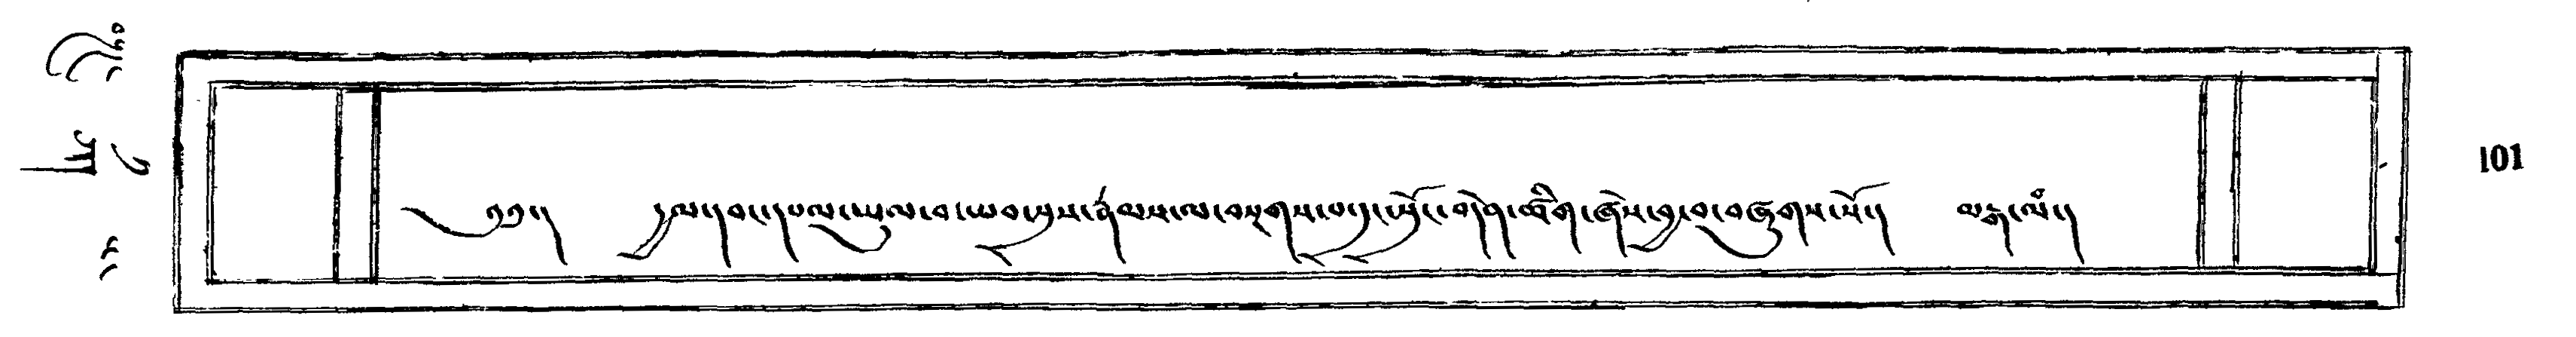༄༅། །རྒྱལ་དབང་དཔལ་ཡུལ་བའི་ཡབ་སྲས་རྣམས་ལ་བསྔགས་པ་དྲང་སྲོང་བདེན་ཚིག་ཞེས་བྱ་བ་བཞུགས་སོ། ། མངྒ་ལམ། །